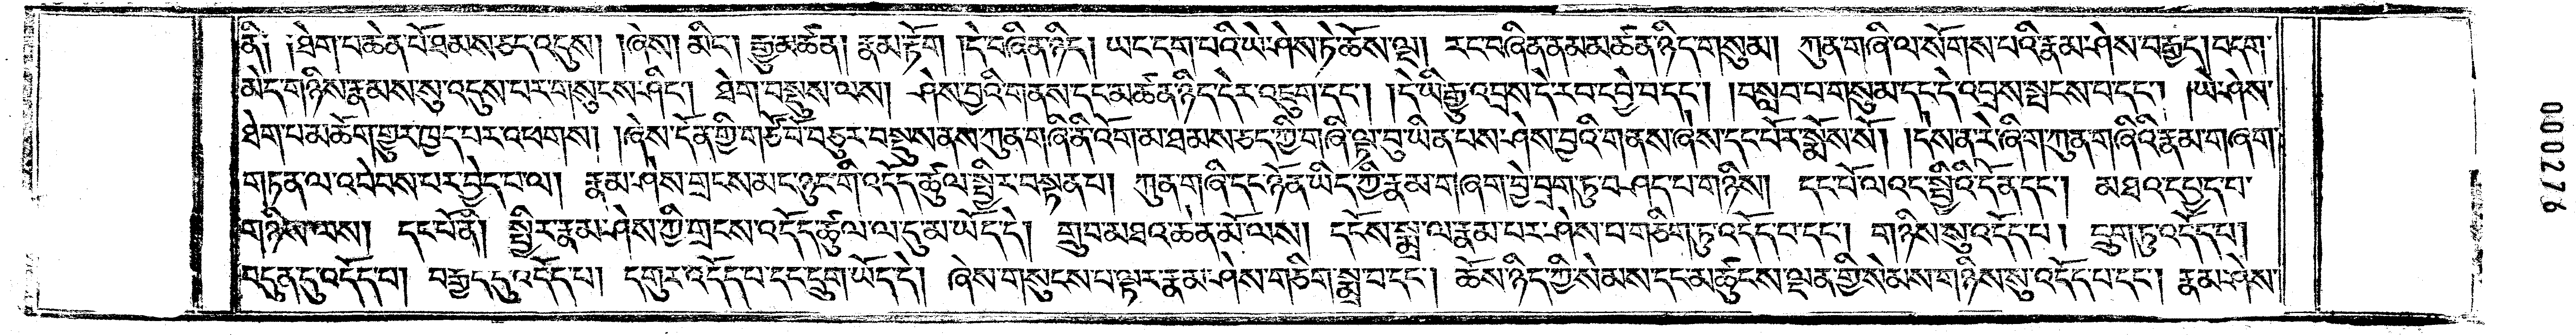ནི༑ ༑ཐེག་པ་ཆེན་པོ་ཐམས་ཅད་འདུས། །ཞེས། མིང་། རྒྱུ་མཚན། རྣམ་རྟོག །དེ་བཞིན་ཉིད། ཡང་དག་པའི་ཡེ་ཤེས་ཏེ་ཆོས་ལྔ། རང་བཞིན་ནམ་མཚན་ཉིད་གསུམ། ཀུན་གཞི་ལ་སོགས་པའི་རྣམ་ཤེས་བརྒྱད། བདག་
མེད་གཉིས་རྣམས་སུ་འདུས་པར་གསུངས་ཤིང་། ཐེག་བསྡུས་ལས། ཤེས་བྱའི་གནས་དང་མཚན་ཉིད་དེར་འཇུག་དང་། །དེ་ཡི་རྒྱུ་འབྲས་དེ་རབ་དབྱེ་བ་དང་། །བསླབ་པ་གསུམ་དང་དེ་འབྲས་སྤངས་པ་དང་། །ཡེ་ཤེས་
ཐེག་པ་མཆོག་གྱུར་ཁྱད་པར་འཕགས། །ཞེས་དོན་གྱི་གཙོ་བོ་བཅུར་བསྡུས་ནས་ཀུན་གཞི་ནི་འོག་མ་ཐམས་ཅད་ཀྱི་བཞི་ལྟ་བུ་ཡིན་པས་ཤེས་བྱའི་གནས་ཞེས་དང་པོར་སྨོས་སོ། །དེས་ན་རེ་ཞིག་ཀུན་གཞིའི་རྣམ་གཞག་
གཏན་ལ་འབེབས་པར་བྱེད་པ་ལ། རྣམ་ཤེས་གྲངས་མང་ཉུང་གི་འདོད་ཚུལ་སྤྱིར་བསྟན་པ། ཀུན་གཞི་དང་ཉོན་ཡིད་ཀྱི་རྣམ་གཞོག་བྱེ་བྲག་ཏུ་བཤད་པ་གཉིས། དང་པོ་ལའང་སྤྱིའི་དོན་དང་། མཐའ་དཔྱད་པ་
གཉིས་ལས། དང་པོ་ནི། སྤྱིར་རྣམ་ཤེས་ཀྱི་གྲངས་འདོད་ཚུལ་ལ་དུ་མ་ཡོད་དེ། གྲུབ་མཐའ་ཆེན་མོ་ལས། དངོས་སྨྲ་ལ་རྣམ་པར་ཤེས་པ་གཅིག་ཏུ་འདོད་པ་དང་། གཉིས་སུ་འདོད་པ། དྲུག་ཏུ་འདོད་པ།
བདུན་དུ་འདོད་པ། བརྒྱད་དུ་འདོད་པ། དགུར་འདོད་པ་དང་དྲུག་ཡོད་དེ། ཞེས་གསུངས་པ་ལྟར་རྣམ་ཤེས་གཅིག་སྨྲ་བ་དང་། ཆོས་ཉིད་ཀྱི་སེམས་དང་མཚུངས་ལྡན་གྱི་སེམས་གཉིས་སུ་འདོད་པ་དང་། རྣམ་ཤེས་